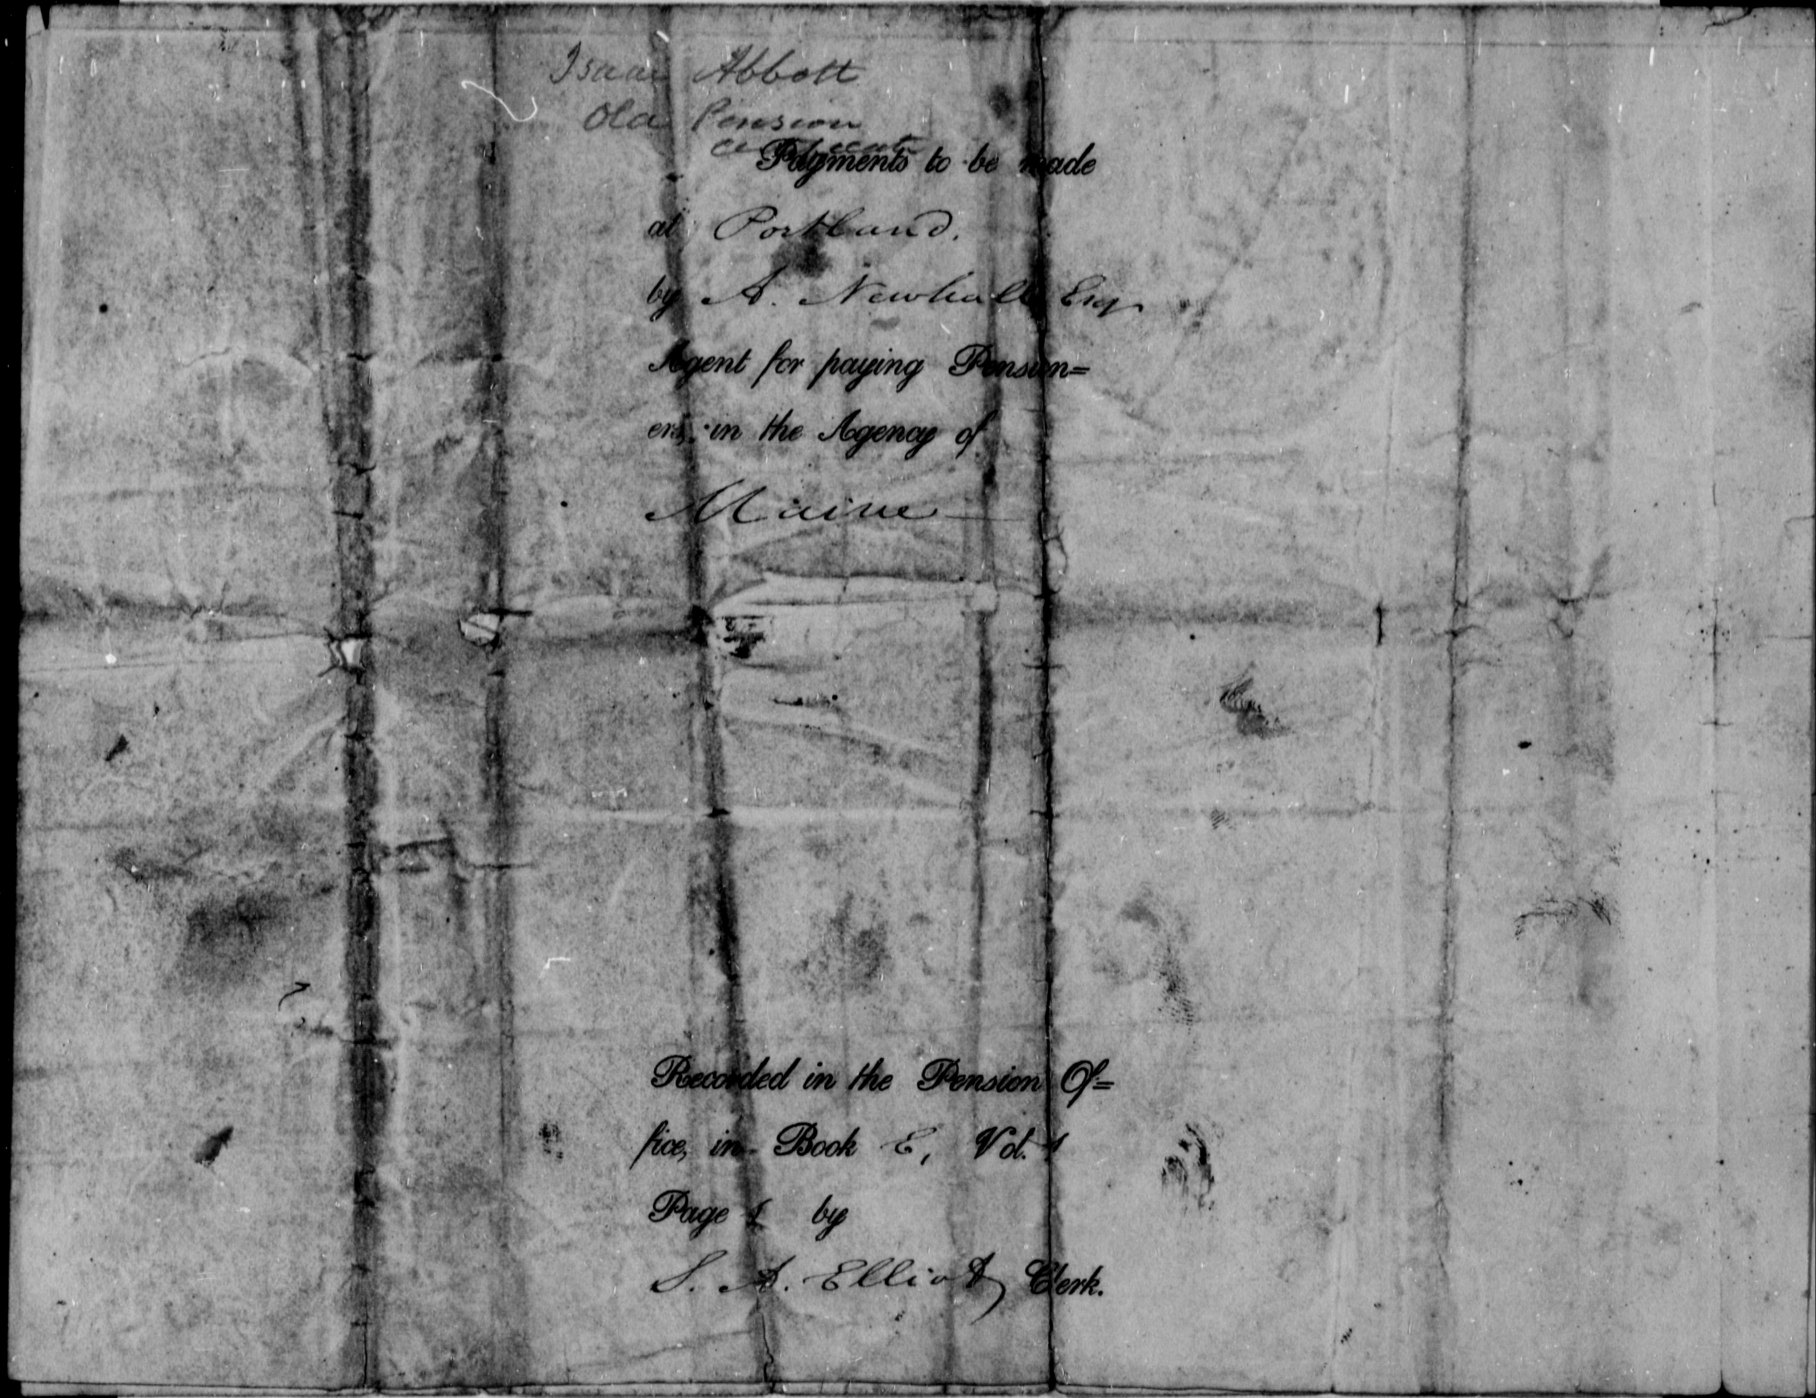Isaac Abbott
Old Pension
Certificate
Payments to be made
at Portland,
by A. Newhall, Esq.
Agent for paying Pension
ers; in the Agency of
Maine.


Recorded in the Pension Of
fice, in Book E, Vol. 1
Page 2, by
S. A. Elliot, Clerk.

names: S A Elliot, Isaac Abbott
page: 65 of 86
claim: survivor's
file: S 29,568, Isaac Abbot, Mass